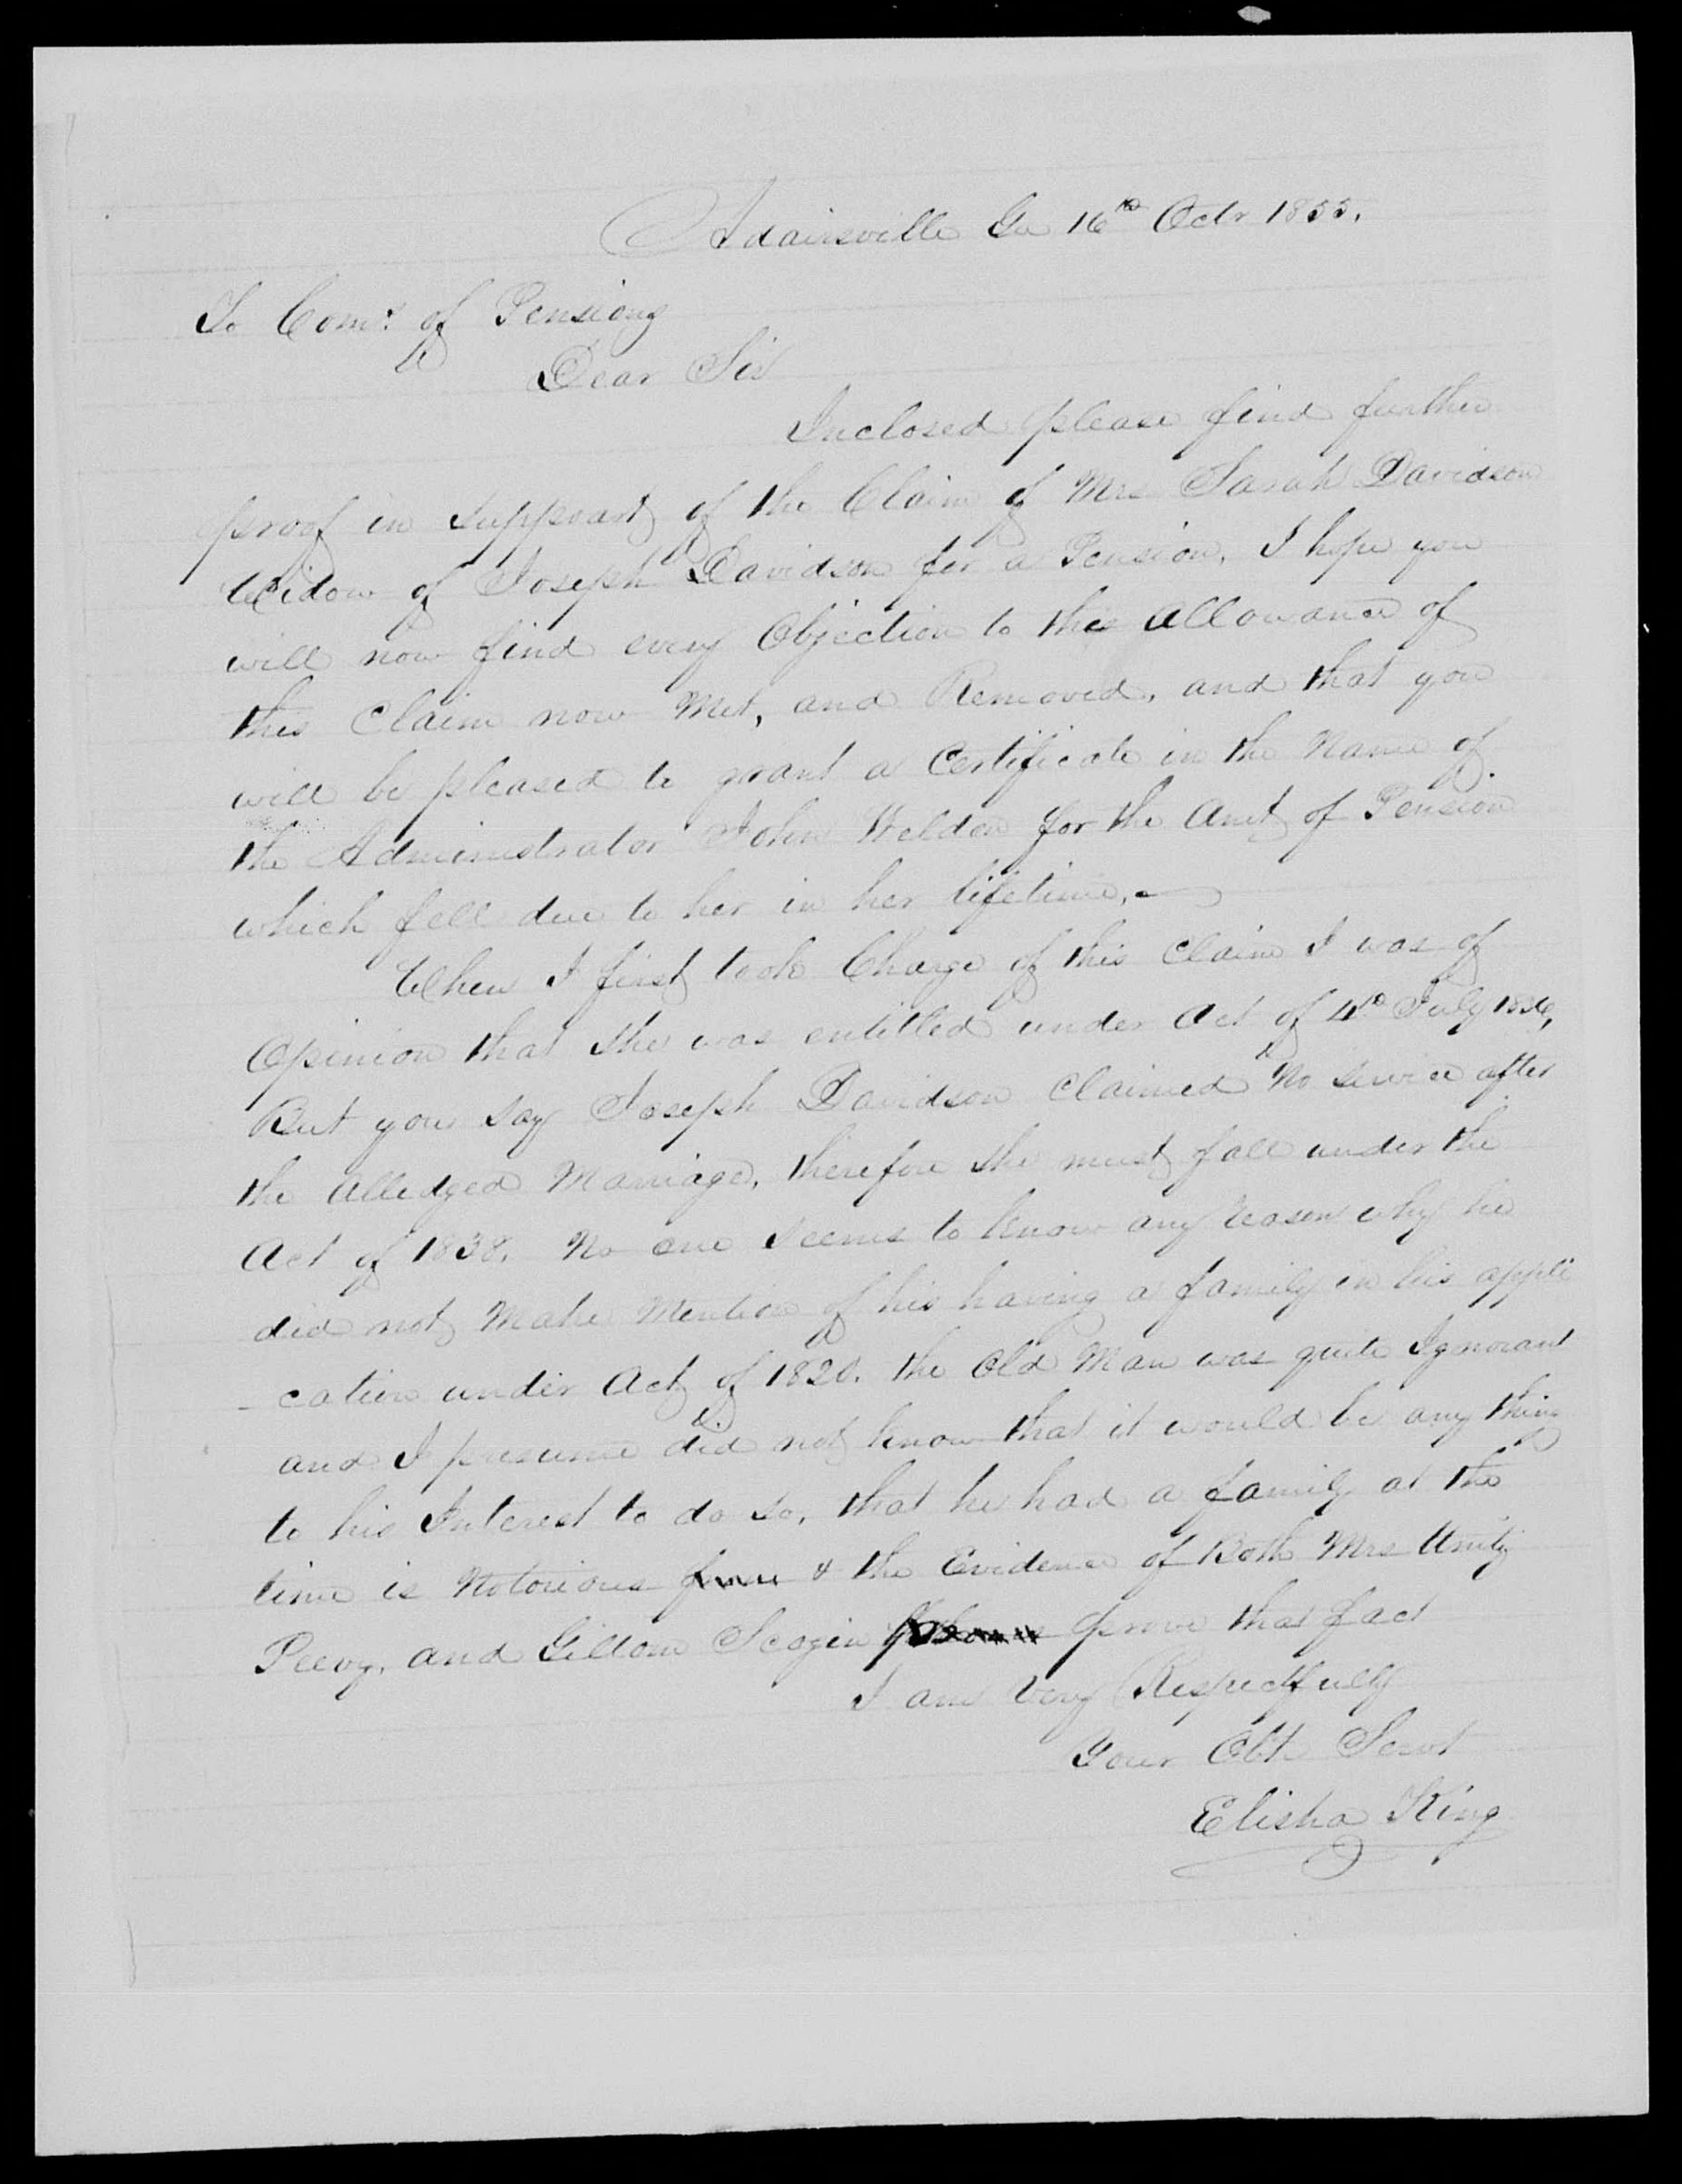Adairsville Gee 16th Oct 1855,
To Com of Pensions
Dear Sir
Inclosed [sic] please find further proof in support of the Claim of Mrs Sarah Davidson Widow of Joseph Davidson for a Pension. I hope you will now find every objection to the allowance of this claim now met, and removed, and that you
will be pleased to grant a certificate in the name of the Administrator John Welden for the amt of Pension which fell due to her in her lifetime,
When I first took charge of this claim I was of opinion that she was entitled under act of 4th July 1836, But you say Joseph Davidson claimed no service after the alledged marriage, therefore the must fall under the Act of 1838, No one seems to know any reason why he did not make mention of his having a family in his application under act of 1820. the old man was quite Ignorant and I presume did not know that it would be any thing to his Interest to do so. that he had a family at the time is notorious (crossed out) from & the Evidence of Both Mrs Unity Prevy and Gillon Scogin prove that fact
I am very Respectfully
Your Obedient Servant
Elisha King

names: Gillom Scogin, Unity Peevy, Elisha King, Sarah Davidson, Joseph Davidson, Joseph Davidson, John Weldon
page: 45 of 63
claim: widow's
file: W. 4175, Joseph Davidson, N.C.